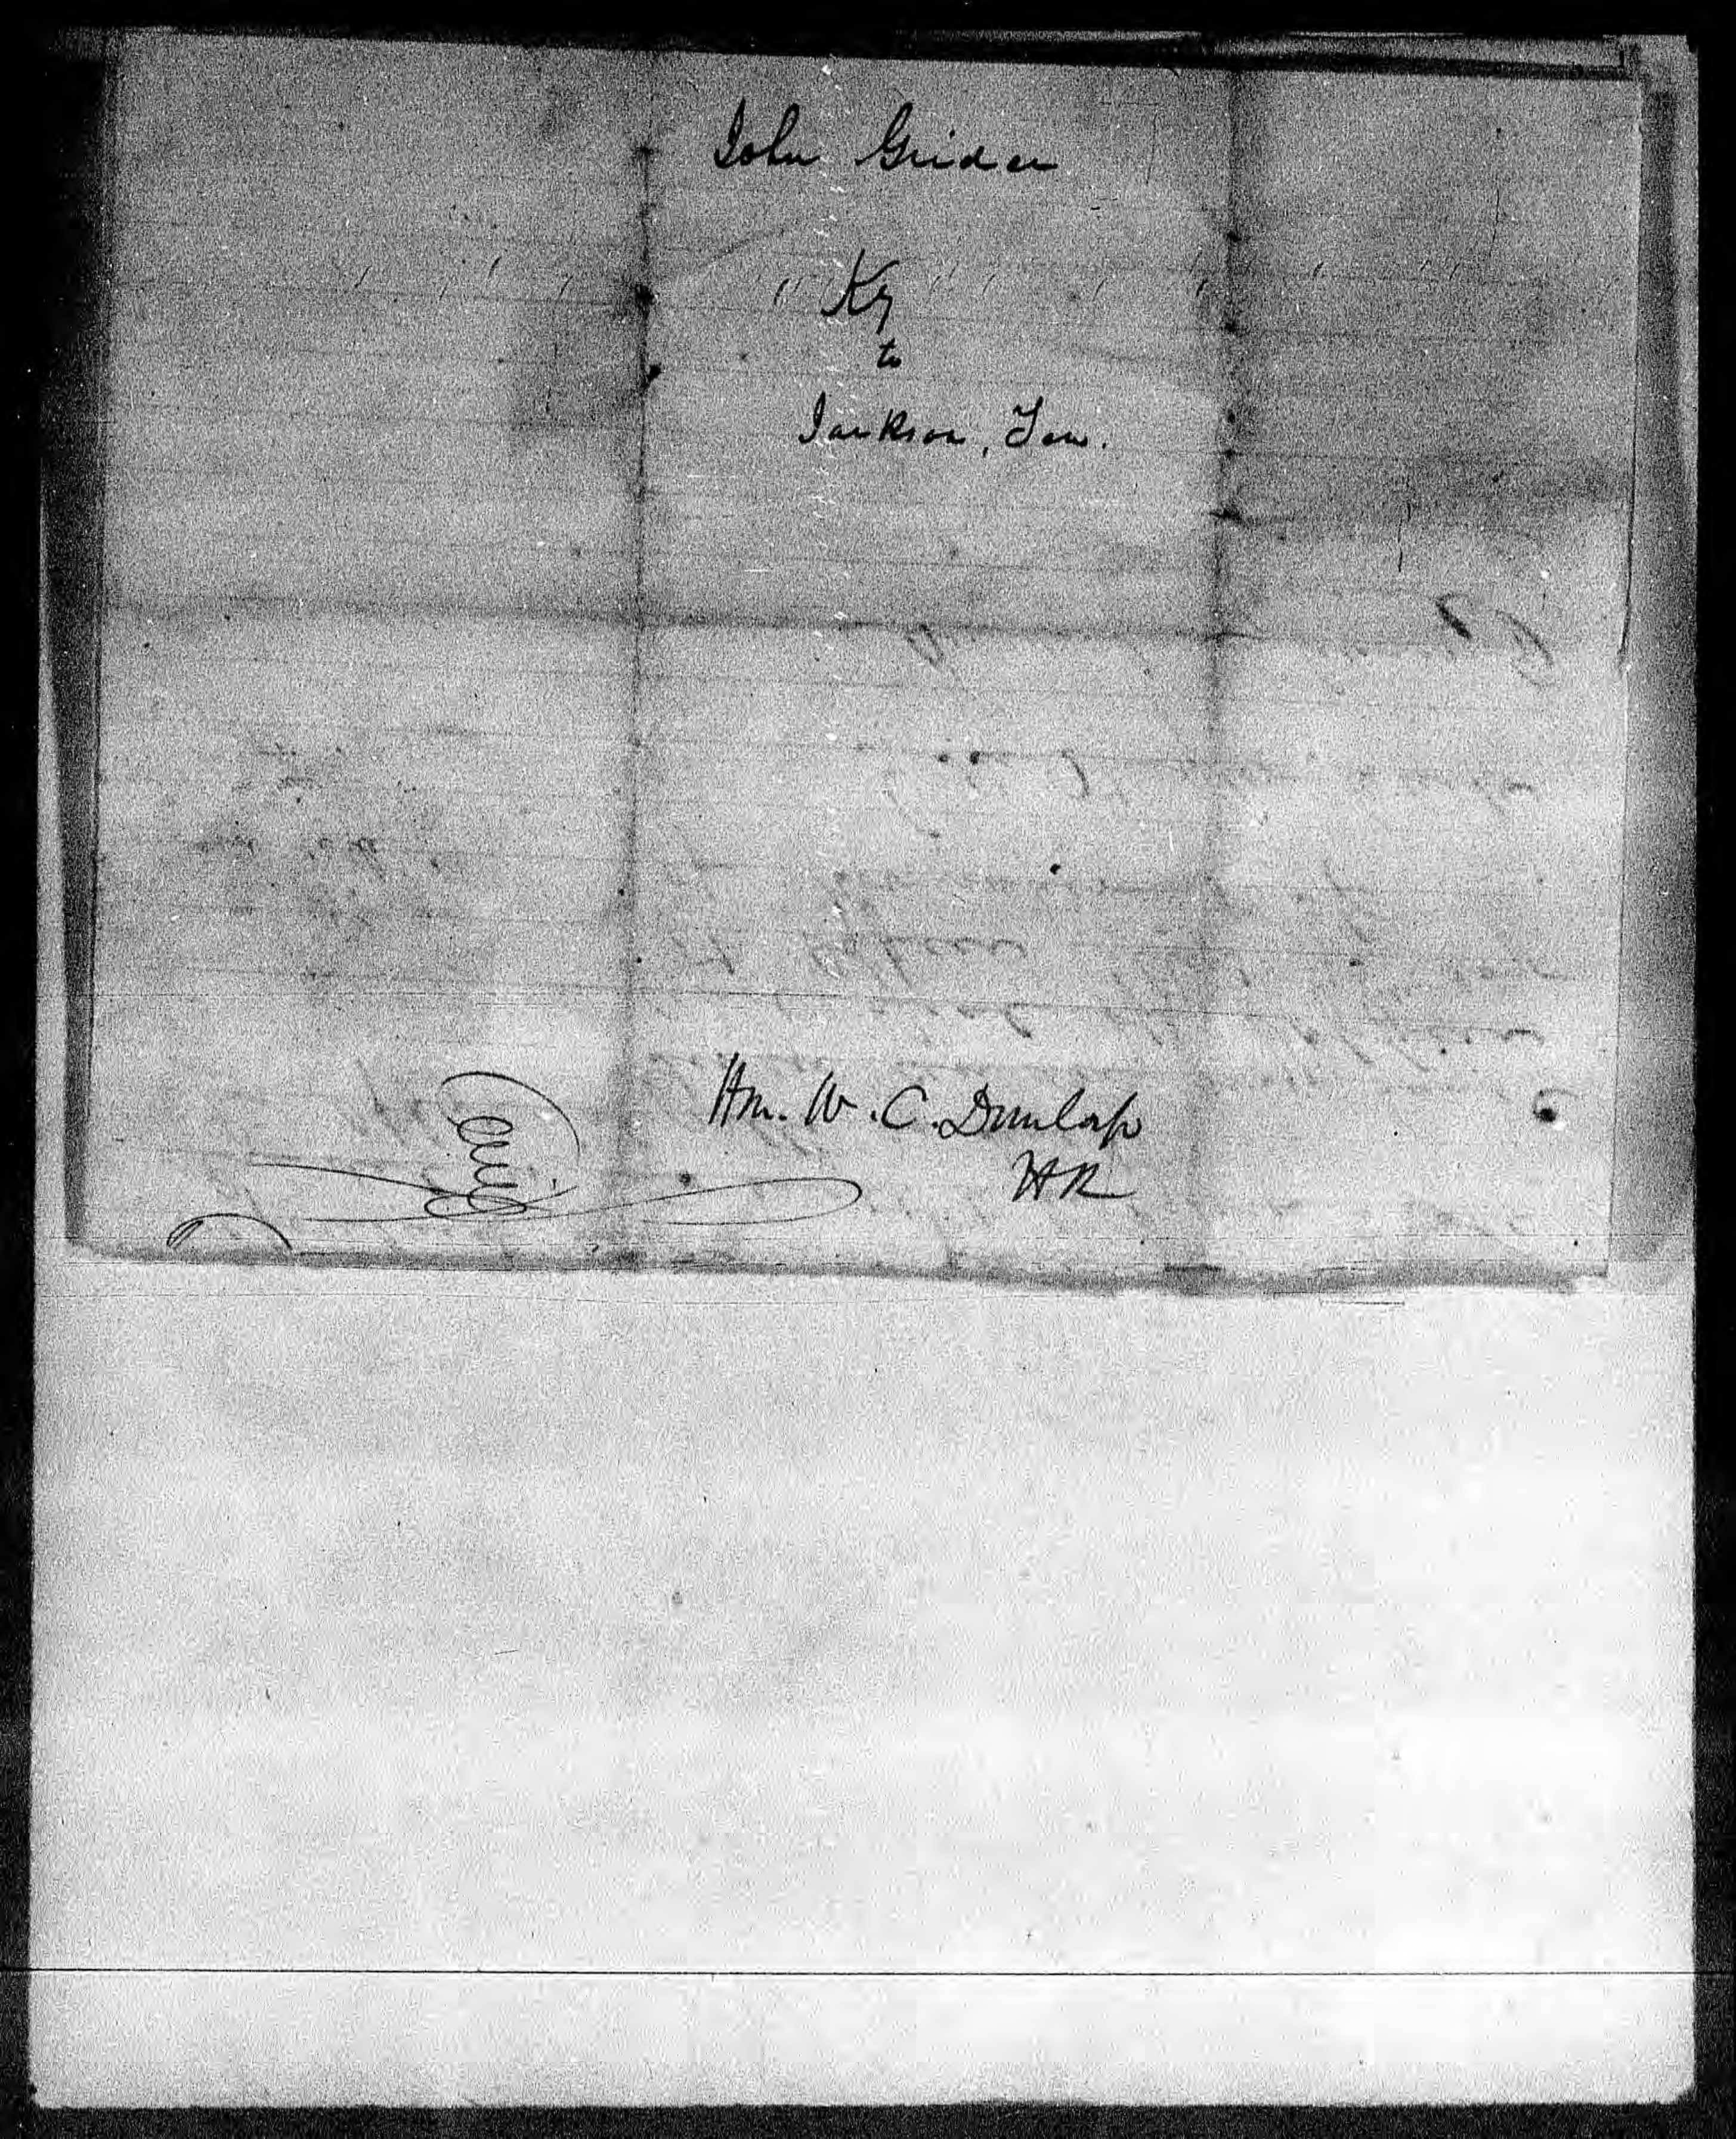John Grider

Ky
to Jackson, Ten


Hon. W.C. Dunlap
HR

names: John Grider, W C Dunlap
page: 39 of 91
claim: widow's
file: W 358, John Grider, N.C.